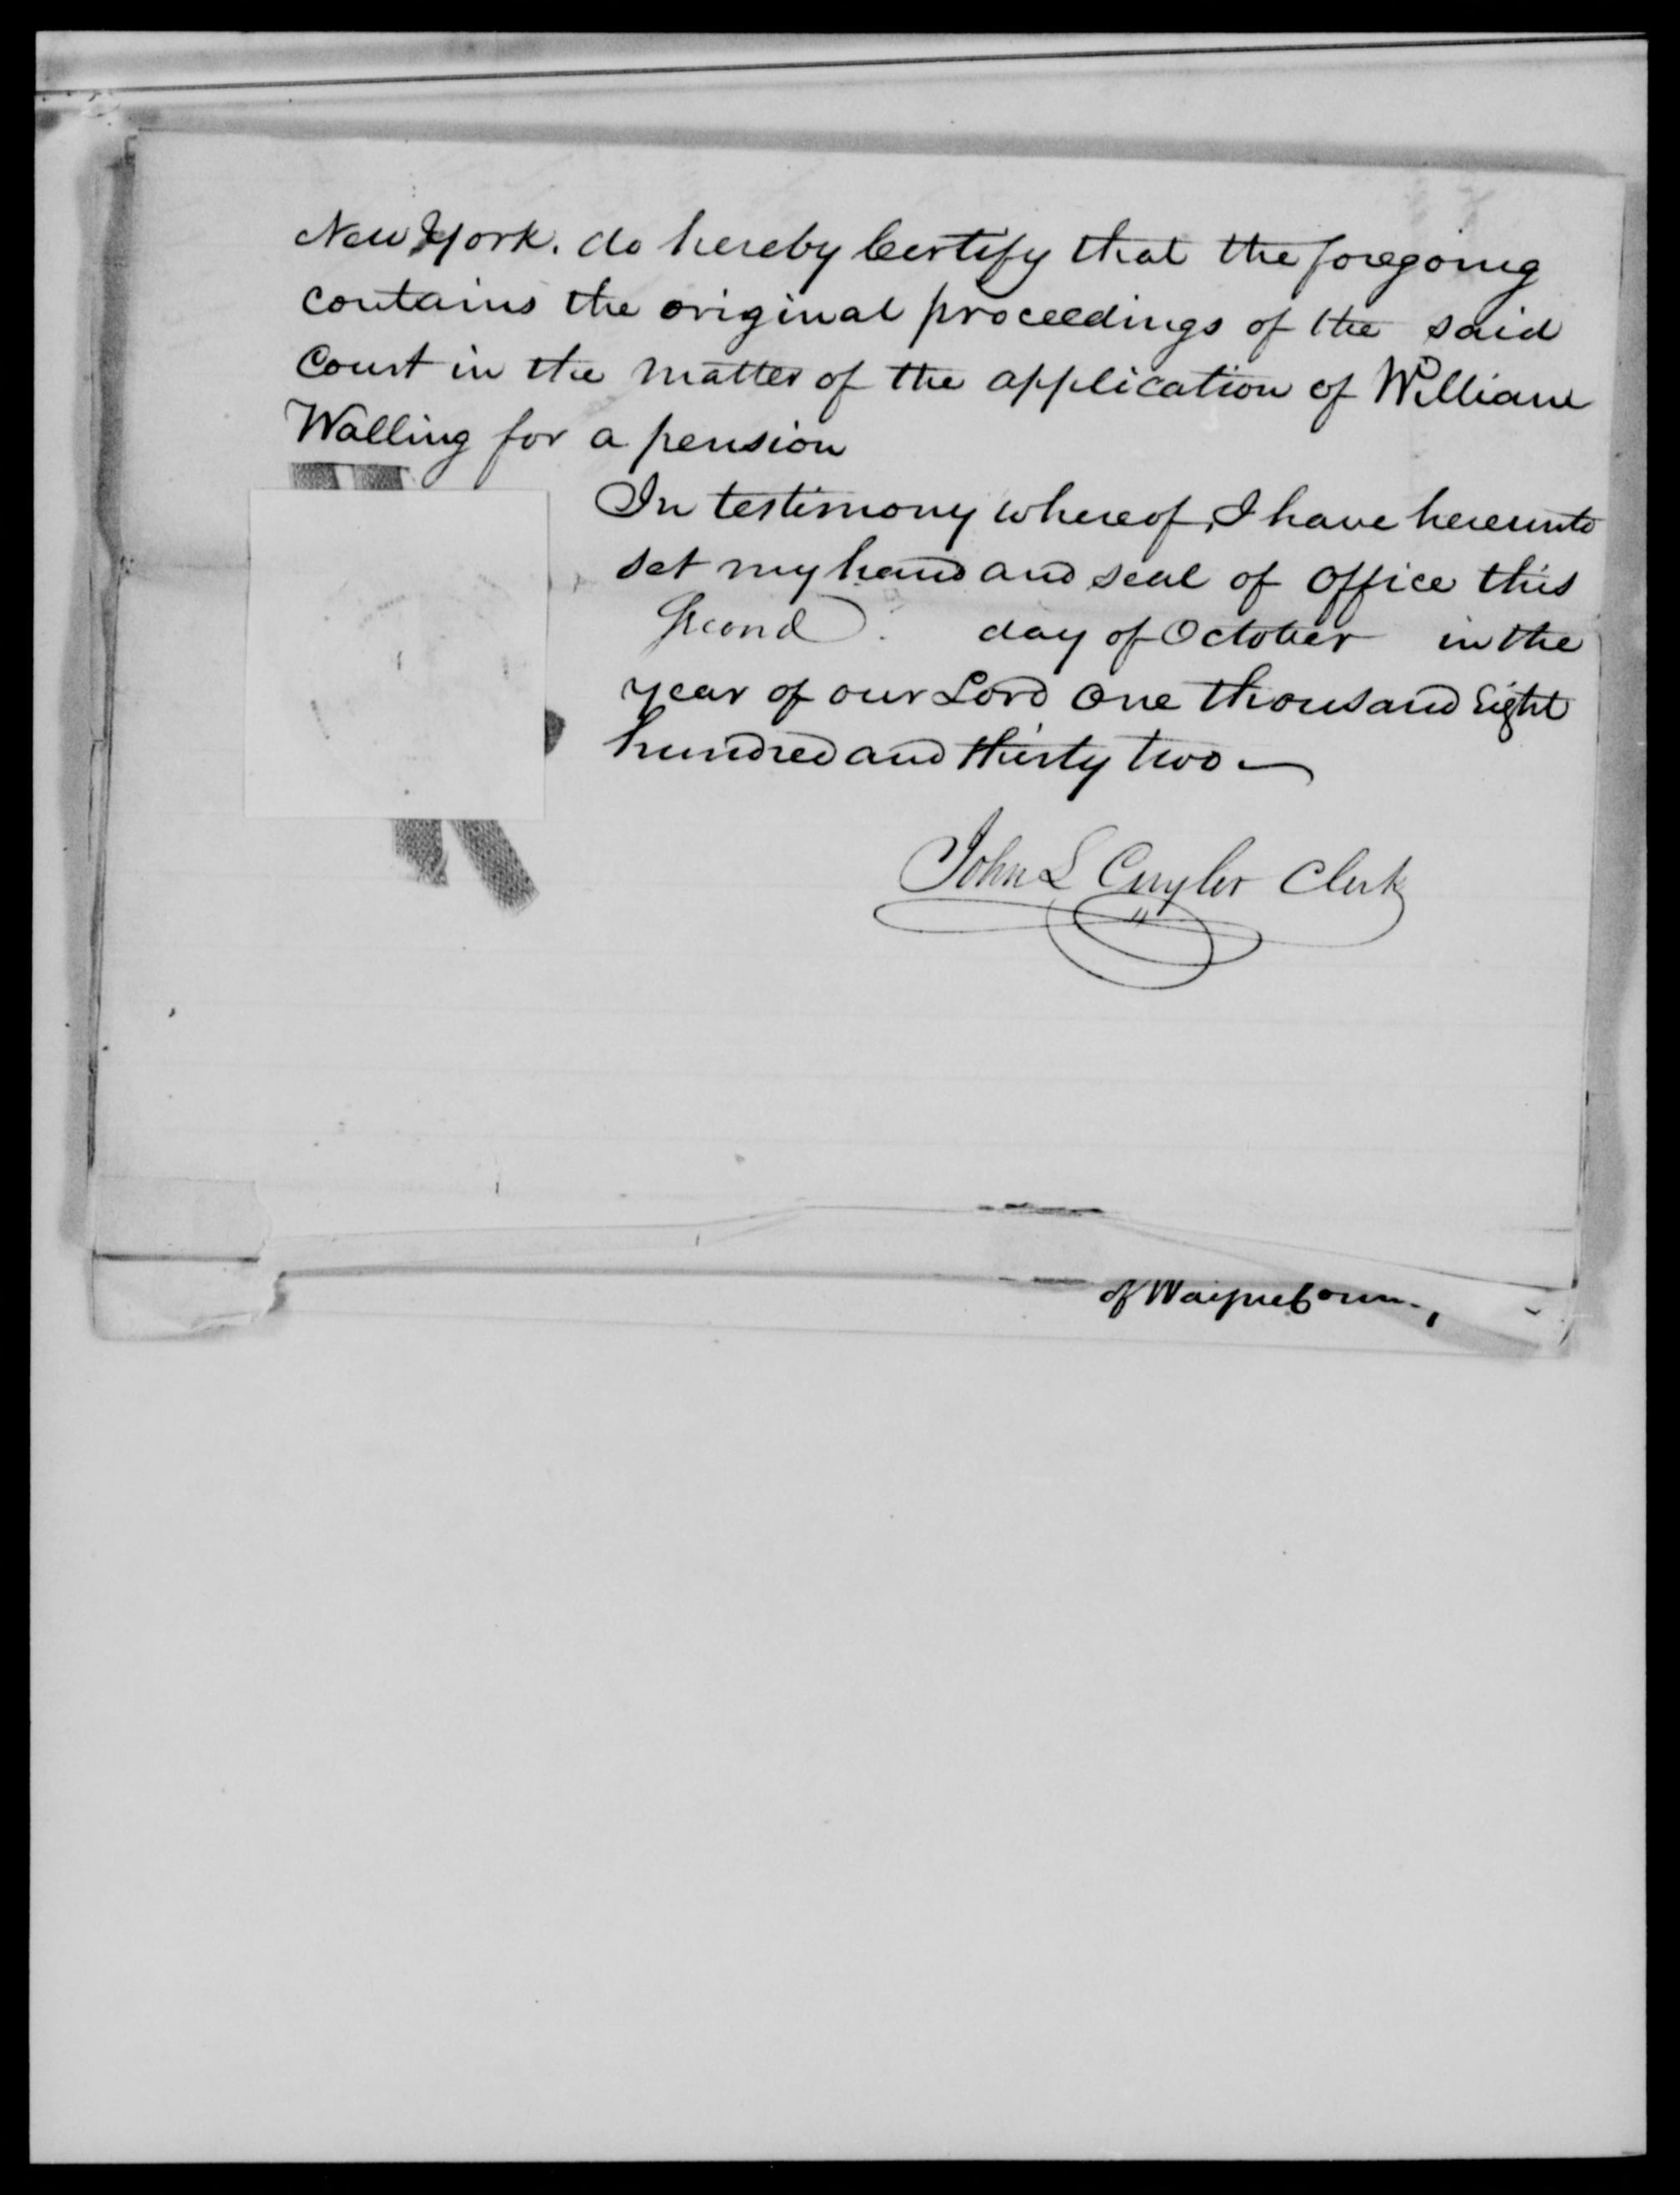New York, do herby certify that the foregoing contains the original proceedings of the said court in the matter of the application of William Walling for a pension.  

In testimony whereof, I have hereunto set my hand and seal of Office this second day of October in the year of our Lord, one thousand eight hundred and thirty two, John L Cuyler, Clerk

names: John L Cuyler, William Walling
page: 17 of 66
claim: widow's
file: W. 19588, William Walling, New Jersey